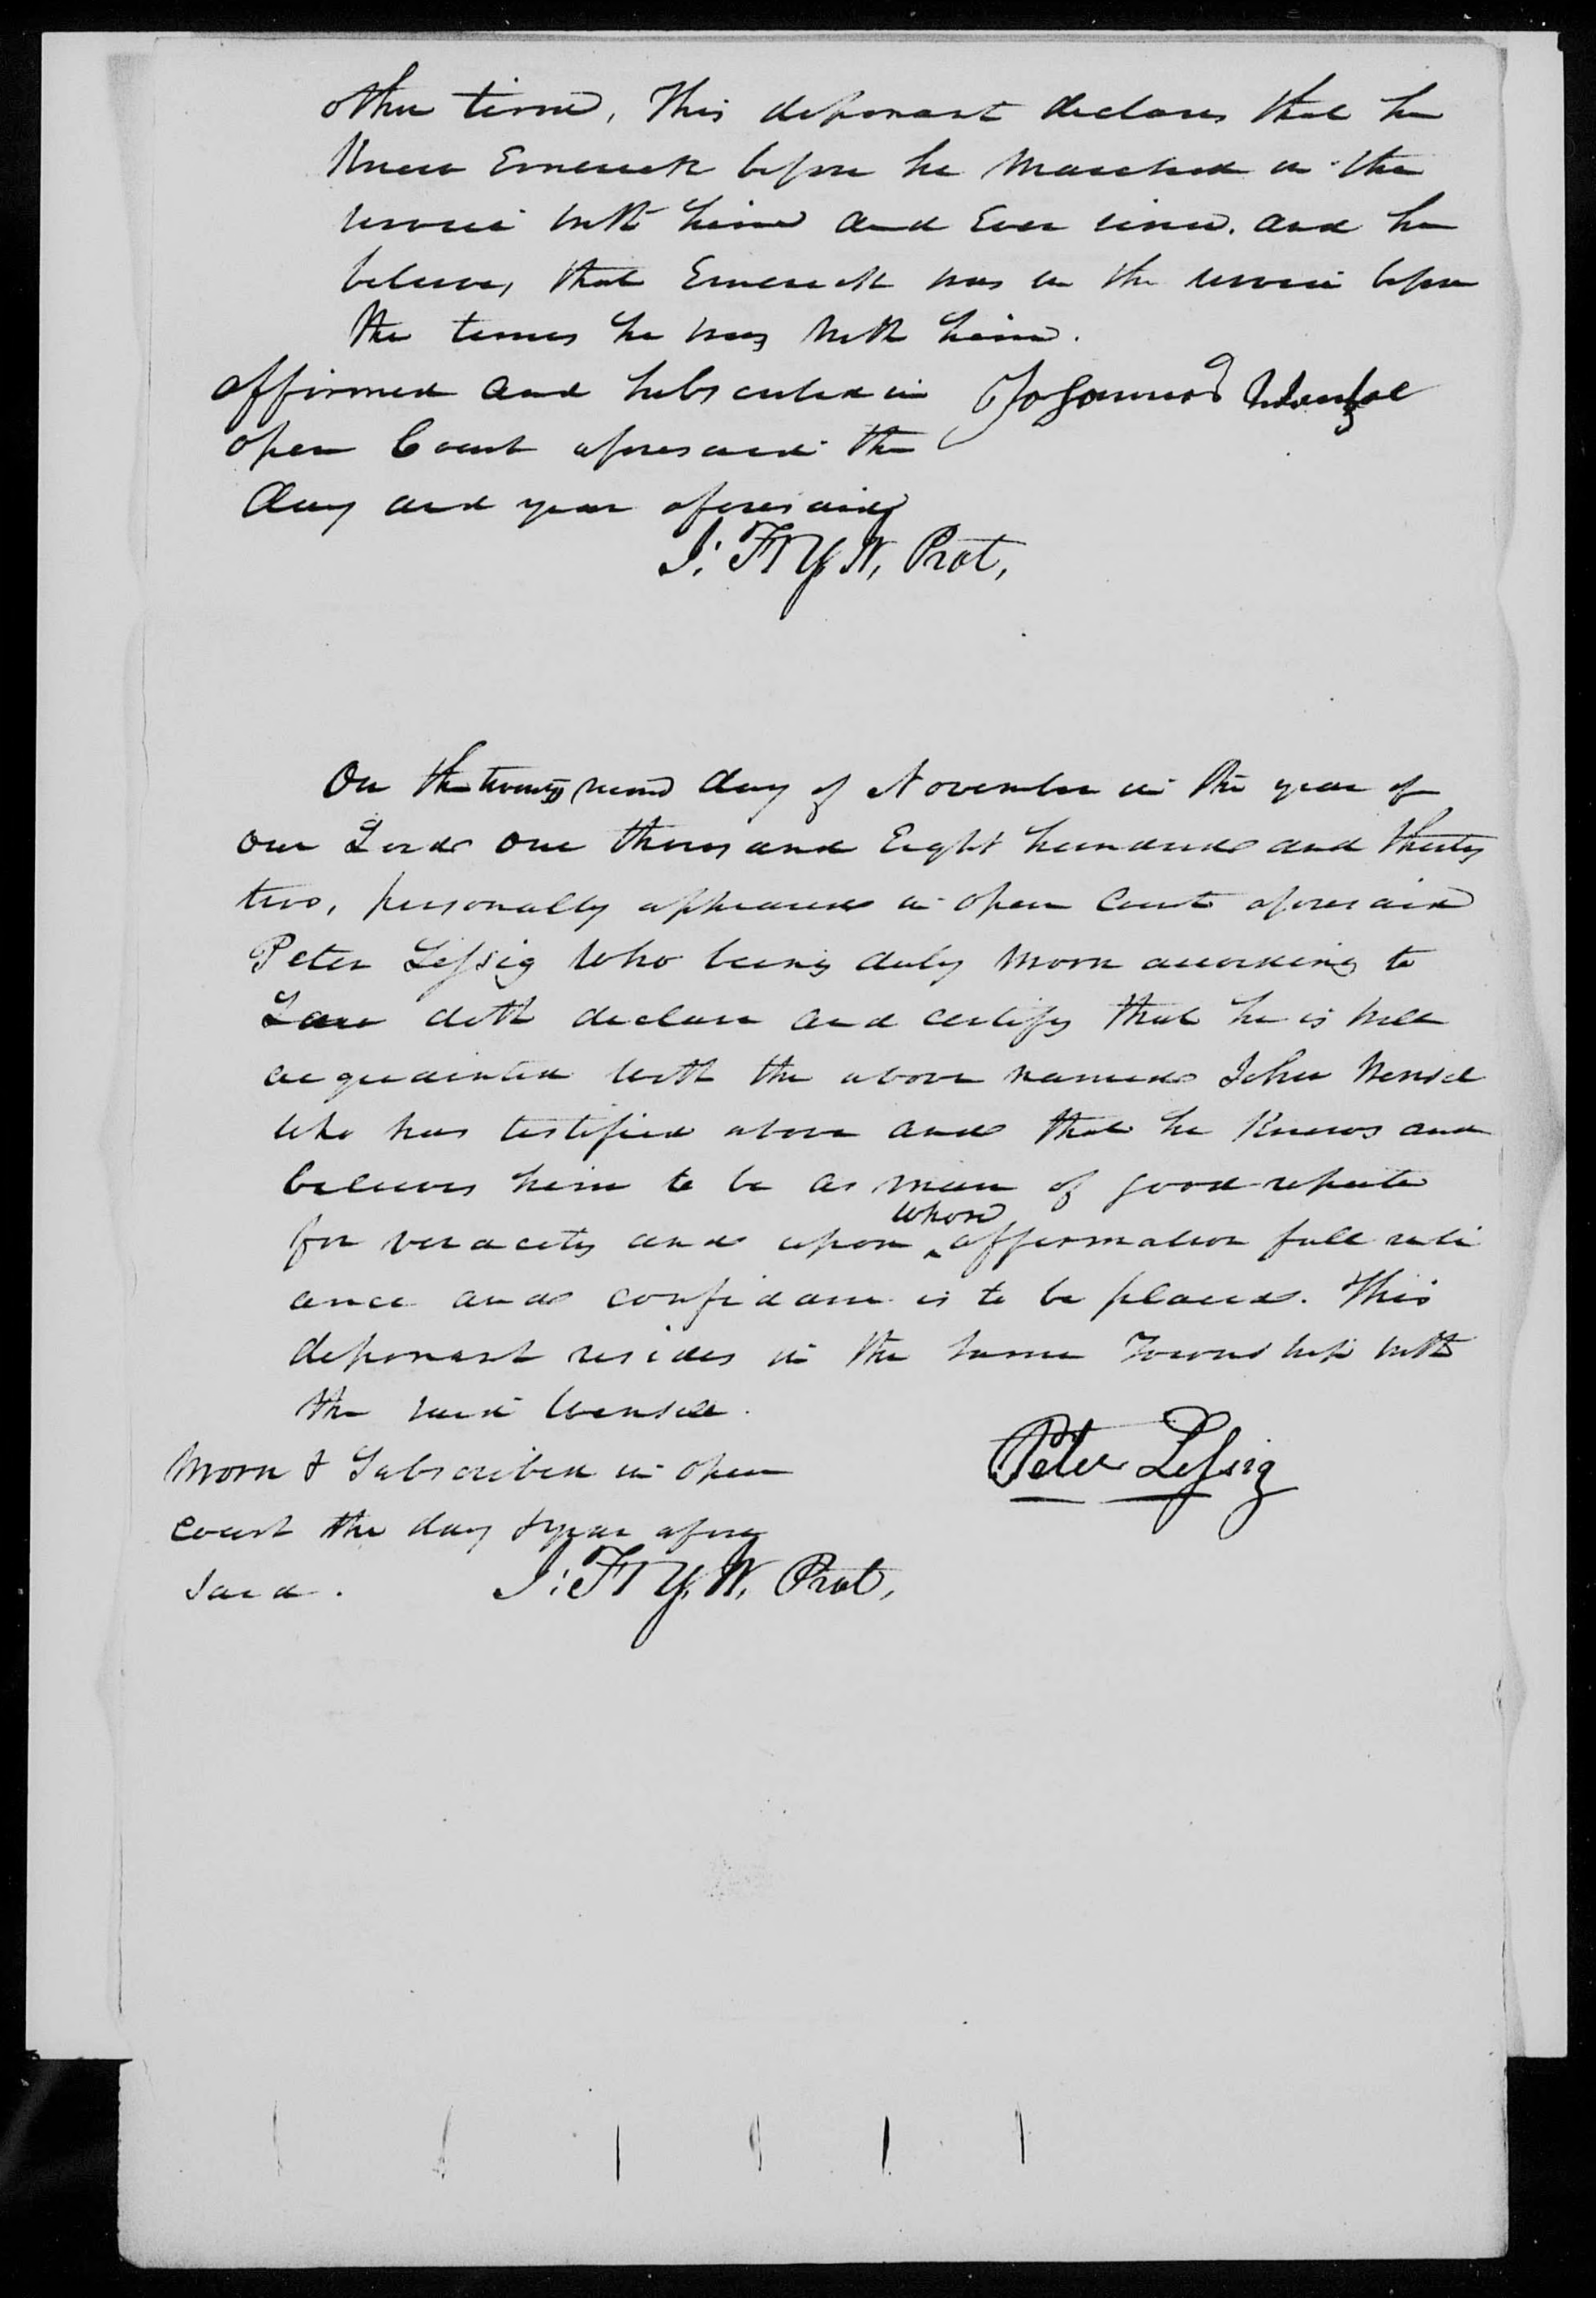other time. This deponent declares that he
knew Emerick before he marched in the
service with him and ever since, and he
believes that Emerick was in the service before
the times he was with him.
affirmed and bereby certified in [signature illegible] Wentzel
open Court aforesaid the
day and year aforesaid
J. Fry Jr, Prot,

On the twenty second day of November in the year of our Lord one thousand Eight hundred and thirty two, personally appeared in open Court aforesaid Peter Lessig who being duly sworn according to Law doth declare and certify that he is well acquainted with the above named John Wensel who has testified above and that he knows and believes him to be a man of good repute for veracity and upon ^(whose) affirmation full reliance and confidence is to be placed. This deponent resides in the same Township with the said Wendell.
Peter Lessig
Sworn & Subscribed in open
court the day & year aforesaid.
J Fryer Jr. Prot.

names: J Fry, Johannes, Emerick, John Wensel, Peter Lessig, Emerick, J Fry, Peter Lessig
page: 9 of 29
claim: survivor's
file: S. 23618, Philip Emerick, Penn.